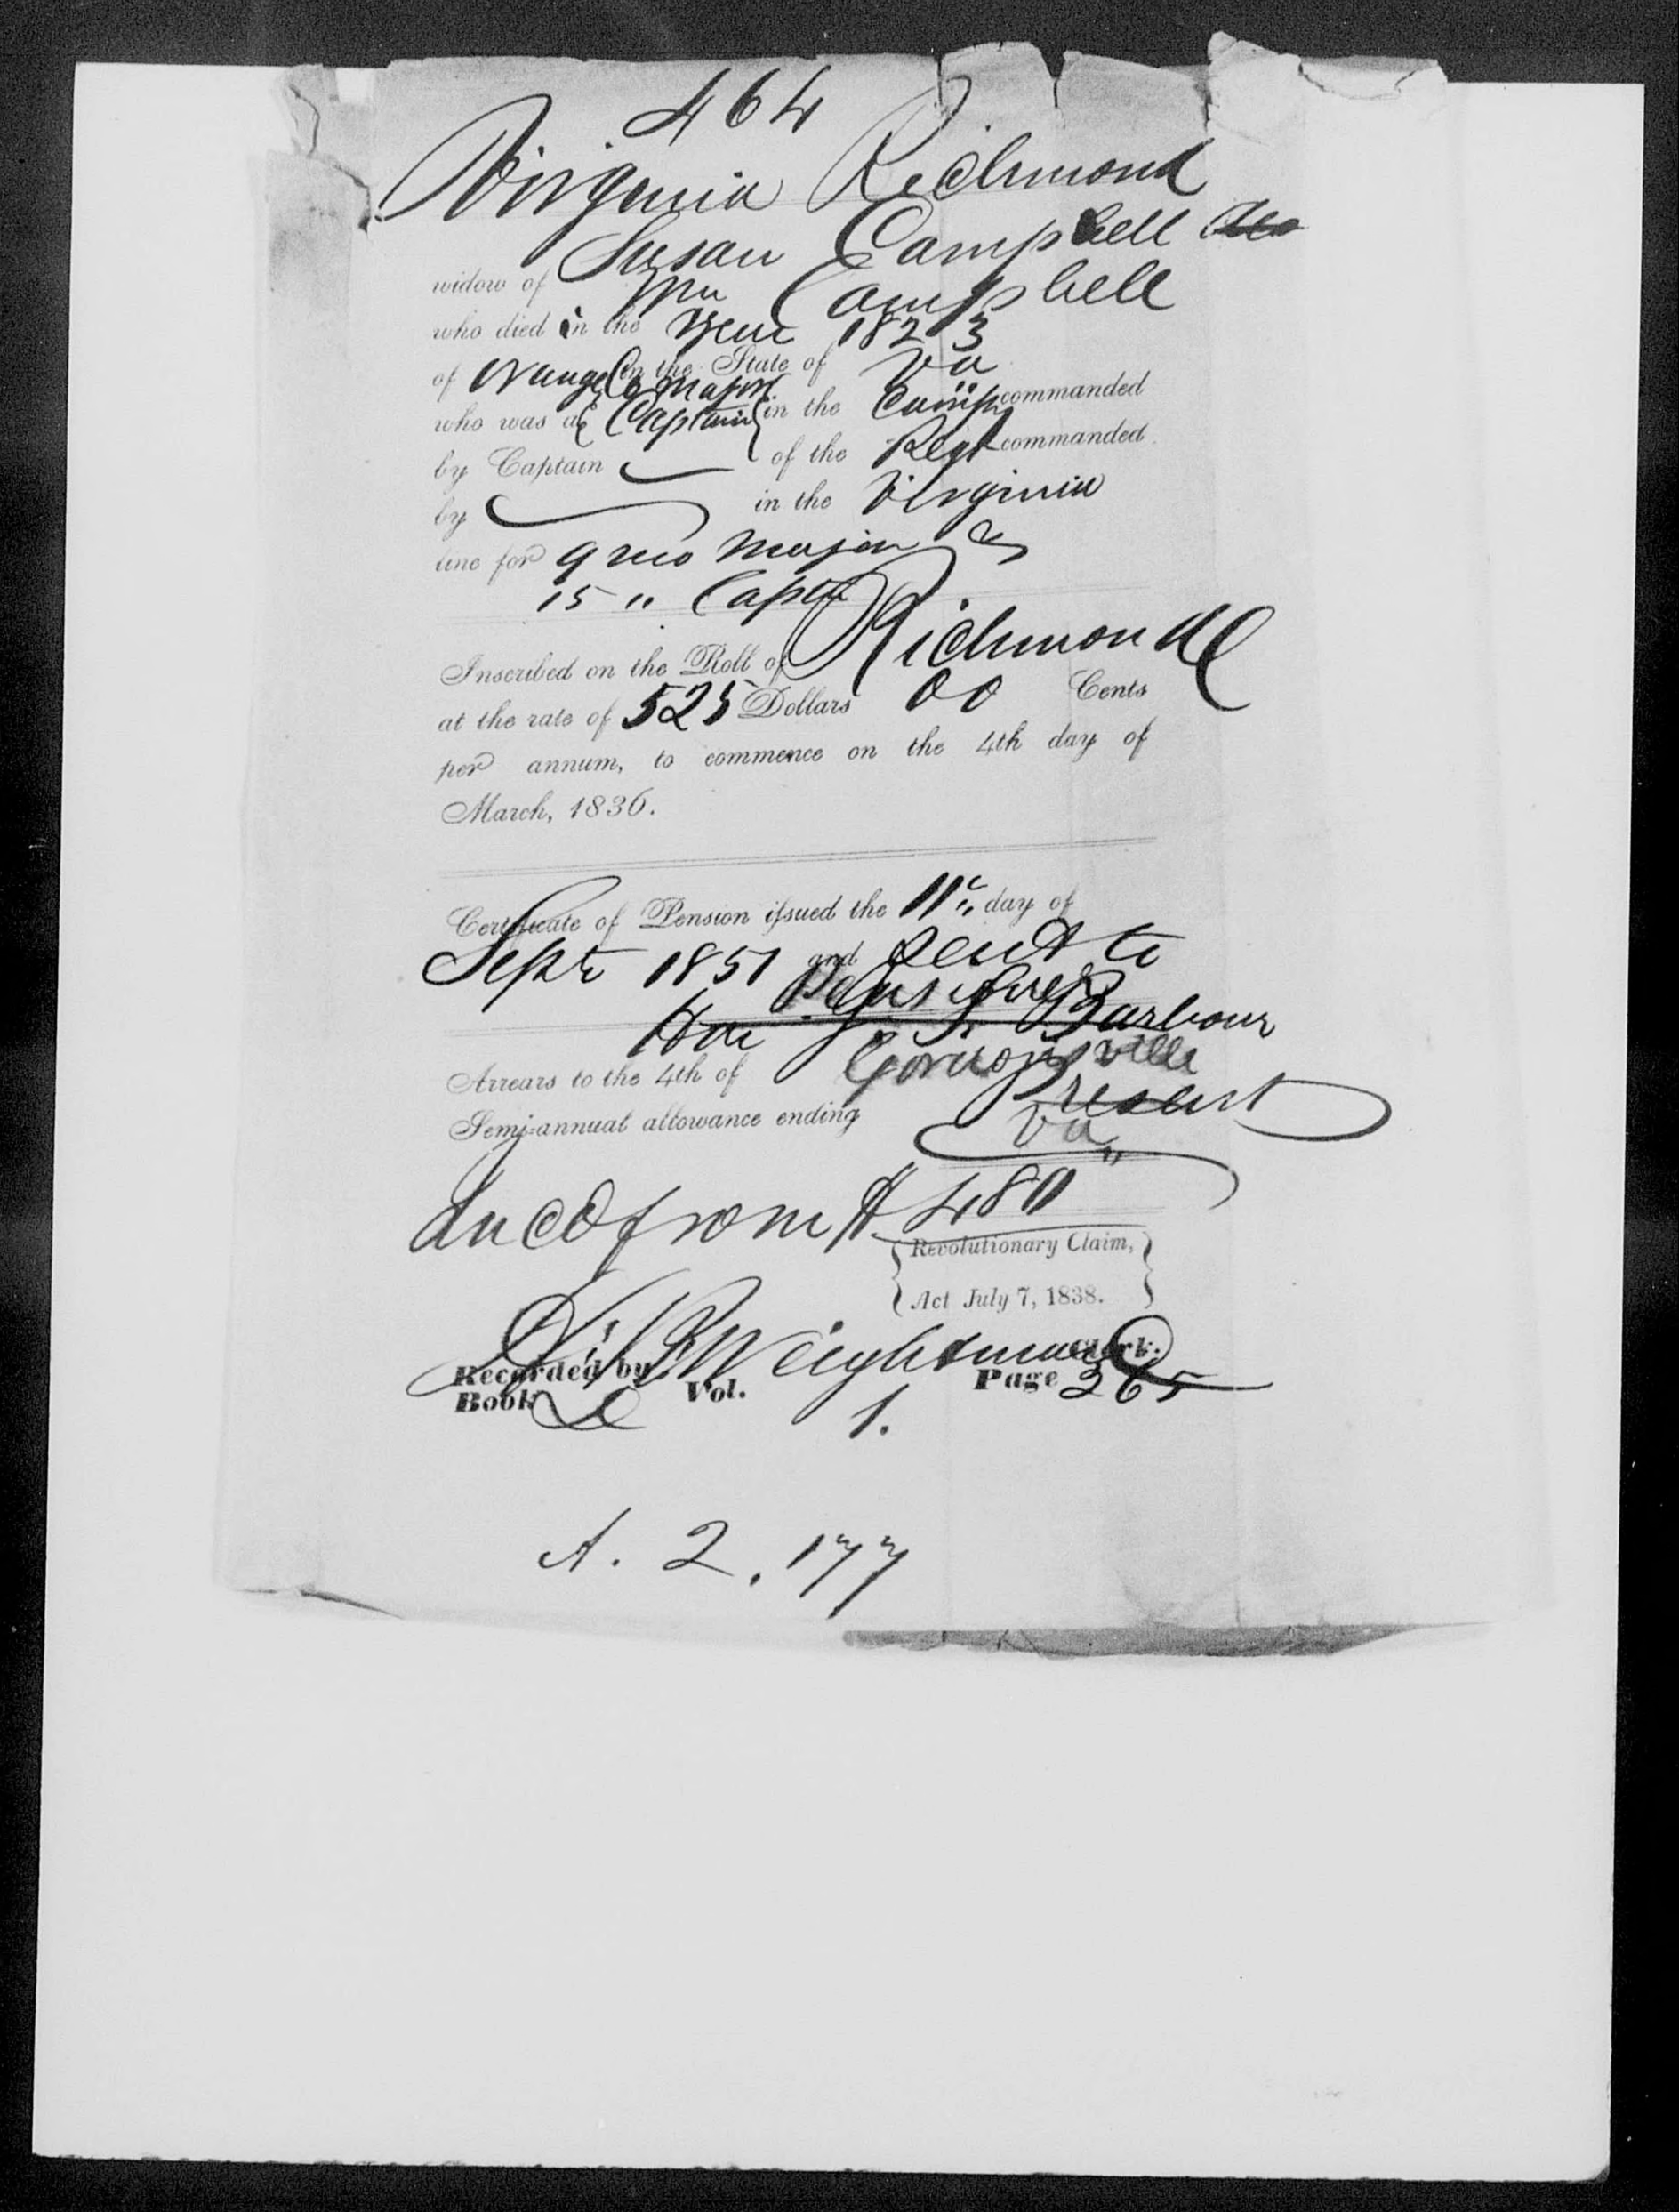464
Virginia Richmond
widow of Susan Campbell dec{crossed out]
Wm. Campbell
who died in the year 1823
of Orange County in the State of Va
Who was a Captain [insert] Major insert end] in the Compy commanded 
by Captain ------ of the Regt commanded
by -------- in the Virginia 
and for 9 mo Major &[and] 
15 " [ditto] Captn
[double horizontal lines across page]

Inscribed on the Roll of Richmond
at the rate of 525 Dollars 00 Cents 
per annum, to commence on the 4th day of March, 1836.
[double horizontal lines across page]

Certificate of Pension issued the 11`th day of Septr 1851. and sent to Pensioner 
Hon J. S. Barbour
Gordonsville
Present 
Va
[double horizontal les across page]

Arrears to the 4th of
Semi-annual allowance ending

Incd from $480
Revolutionary Claim
Act July 7, 1838
H: R Weightman

Recorded by                 Clerk,
Book D.  Vol. 1.     Page 265

A. 2. 177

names: Susan Campbell, J S Barbour, Wm Campbell, H R Weightman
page: 54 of 267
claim: widow's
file: W. 4,149, William Campbell, Va.